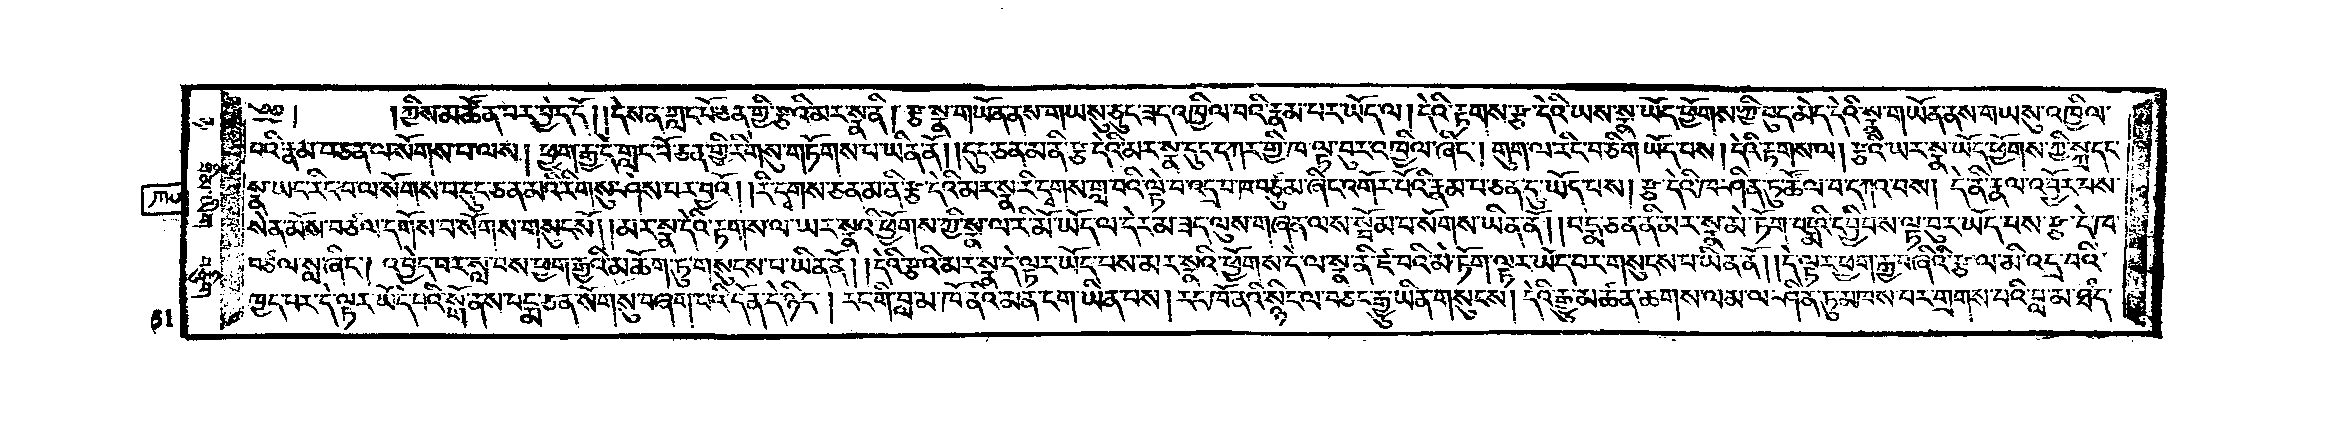༄༅། །ཀྱིས་མཚོན་པར་བྱེད་དོ། །དེས་ན་གླང་པོ་ཅན་གྱི་རྩའི་མར་སྣ་ནི། རྩ་སྣ་གཡོན་ནས་གཡས་སུ་ཅུང་ཟད་འཁྱིལ་བའི་རྣམ་པར་ཡོད་ལ། དེའི་རྟགས་རྩ་དེའི་ཡས་སྣ་ཡོད་ཕྱོགས་ཀྱི་བུད་མེད་དེའི་སྣ་གཡོན་ནས་གཡས་སུ་འཁྱིལ་
བའི་རྣམ་པ་ཅན་ལ་སོགས་པ་ལས། ཕྱག་རྒྱ་དེ་གླང་པོ་ཅན་གྱི་རིགས་སུ་གཏོགས་པ་ཡིན་ནོ། །དུང་ཅན་མ་ནི་རྩ་དེའི་མར་སྣ་དུང་དཀར་གྱི་ཁ་ལྟ་བུར་འཁྱིལ་ཞིང་། གུག་ལ་རིང་བ་ཅིག་ཡོད་པས། དེའི་རྟགས་ལ། རྩའི་ཡར་སྣ་ཡོད་ཕྱོགས་ཀྱི་སྐྲ་དང་
སྣ་ཡང་རིང་བ་ལ་སོགས་པ་དུང་ཅན་མའི་རིགས་སུ་ཤེས་པར་བྱའོ། །རི་དྭགས་ཅན་མ་ནི་རྩ་དེའི་མར་སྣ་རི་དྭགས་གླ་བའི་ལྟེ་བ་འདྲ་བ་ཁ་བཙུམ་ཞིང་འགོར་པོའི་རྣམ་པ་ཅན་དུ་ཡོད་པས། རྩ་དེའི་ཁ་ཤིན་ཏུ་ཚོལ་བ་དཀའ་བས། དེ་ནི་རྣལ་འབྱོར་པས་
སེན་མོས་བཙལ་དགོས་པ་སོགས་གསུངས་སོ། །མར་སྣ་དེའི་རྟགས་ལ་ཡར་སྣའི་ཕྱོགས་ཀྱི་སྣ་ལ་རི་མོ་ཡོད་ལ་དེར་མ་ཟད་ལུས་གཞན་ལས་སྦོམ་པ་སོགས་ཡིན་ནོ། །པདམ་ཅན་ནི་མར་སྣ་མེ་ཏོག་པདམའི་དབྱིབས་ལྟ་བུར་ཡོད་པས་རྩ་དེ་ཁ་
བཙལ་སླ་ཞིང་། འབྱེད་པར་སླ་བས་ཕྱག་རྒྱའི་མཆོག་ཏུ་གསུངས་པ་ཡིན་ནོ། །དེའི་རྩའི་མར་སྣ་དེ་ལྟར་ཡོད་པས་མར་སྣའི་ཕྱོགས་དེ་ལ་སྣ་ནི་ཛ་བའི་མེ་ཏོག་ལྟར་ཡོད་པར་གསུངས་པ་ཡིན་ནོ། །དེ་ལྟར་ཕྱག་རྒྱ་བཞིའི་རྩ་ལ་མི་འདྲ་བའི་
ཁྱད་པར་དེ་ལྟར་ཡོད་པའི་སྒོ་ནས་པདམ་ཅན་སོགས་སུ་བཞག་པའི་དོན་དེ་ཉིད། རང་གི་བླ་མ་ཁོ་ནའི་མན་ངག་ཡིན་པས། རང་ཁོ་ནའི་སྙིང་ལ་བཅང་རྒྱུ་ཡིན་གསུངས། དེའི་རྒྱུ་མཚན་ཆགས་ལམ་ལ་ཤིན་ཏུ་མཁས་པར་གྲགས་པའི་བླ་མ་ཐམས་